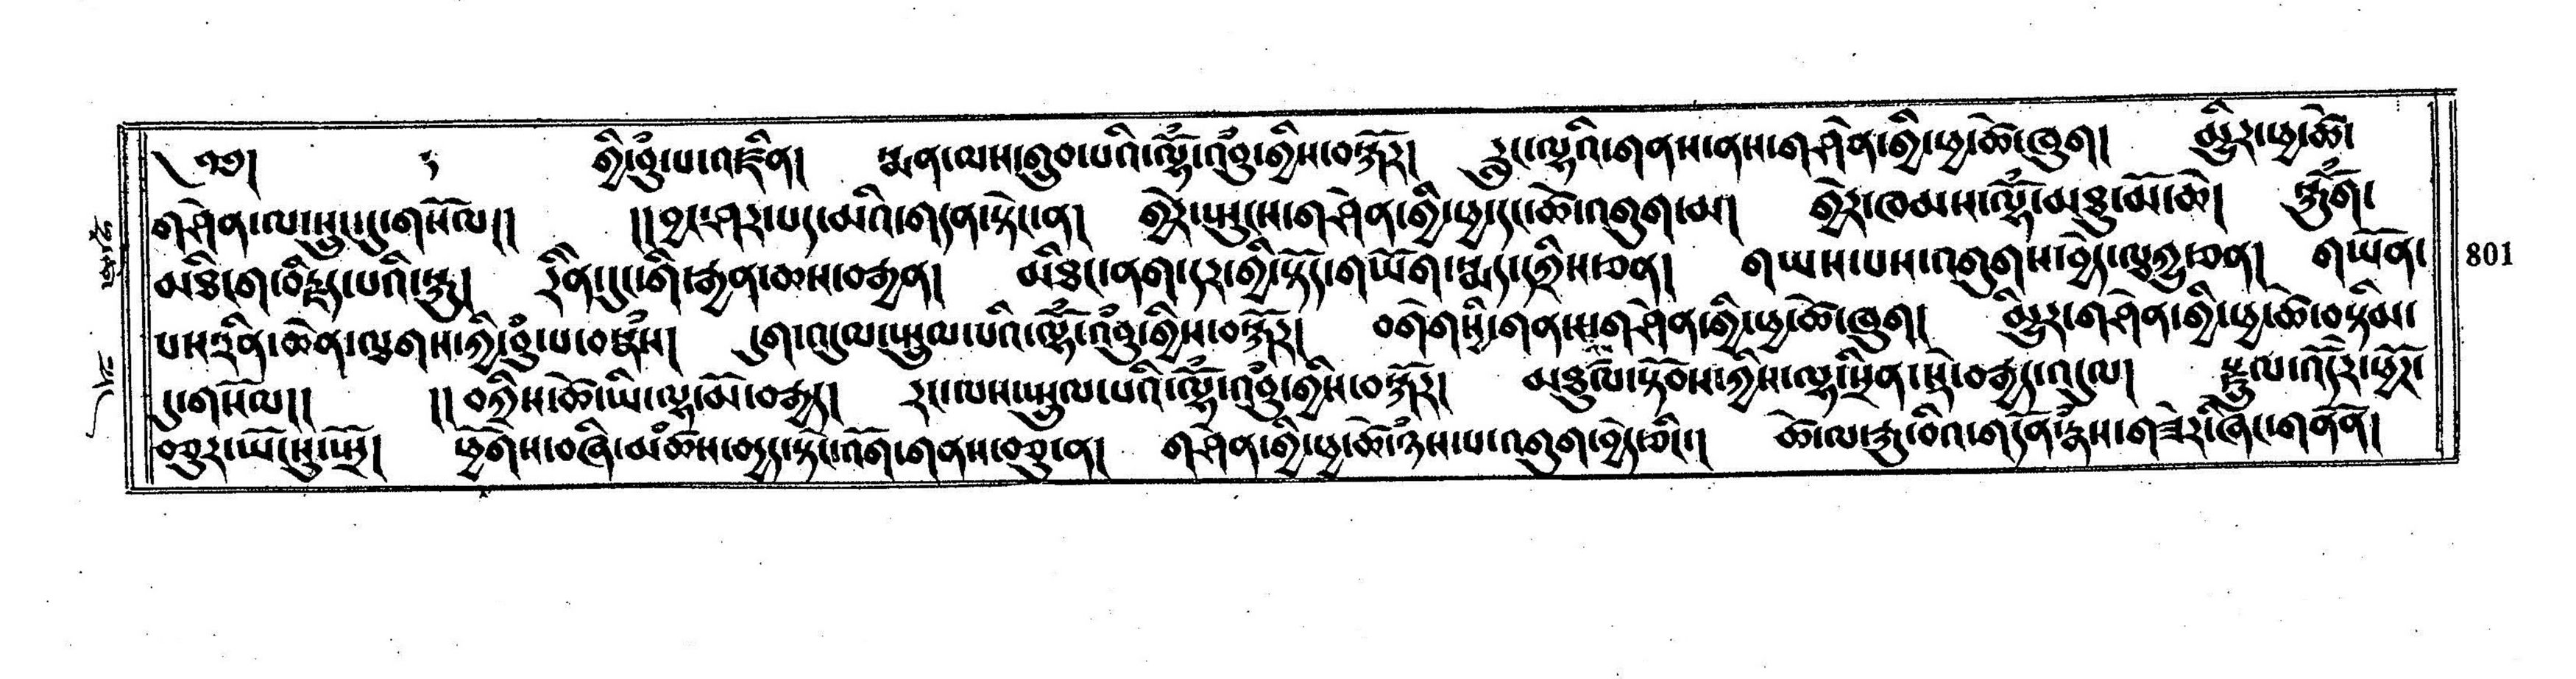གྱི་བུམ་པ་འཛིན། སྨན་ལས་གྲུབ་པའི་ལྷ་མོ་འབུམ་གྱིས་བསྐོར། རླུང་ལྷའི་གནས་ནས་གཤེན་གྱི་ཕྱ་ཚེ་ཁུག མི་འགྱུར་ཕྱ་ཚེ་
གཤེན་ལ་སྲུང་དུ་གསོལ།། །།བྱང་ཤར་པད་མའི་གདན་སྟེང་ན། གྱེར་སྤུངས་གཤེན་གྱི་ཕྱ་དང་ཚེ་འགུག་མ། གྱེར་ཁམས་ལྷ་མོ་མཐུ་མོ་ཆེ། སྐུ་མདོག་
མཐིང་ནག་བརྗིད་པའི་སྐུ། རིན་ཆེན་དུང་གི་རྒྱན་ཆས་བརྒྱན། མཐིང་ནག་དར་གྱི་སྟོད་གཡོག་སྨད་དཀྲིས་ཅན། གཡས་པས་འགུགས་བྱེད་ལྕག་ཀྱུ་ཅན། གཡོན་
པས་རིན་ཆེན་ལྕགས་ཀྱི་བུམ་པ་བསྣམས། དུག་འདུལ་སྤྲུལ་པའི་ལྷ་མོ་འབུམ་གྱིས་བསྐོར། བགེགས་ཀྱི་གནས་ནས་གཤེན་གྱི་ཕྱ་ཚེ་ཁུག མི་འགྱུར་གཤེན་གྱི་ཕྱ་ཚེ་བསྟིམ་
དུ་གསོལ།། །།བཀྲ་ཤིས་ཚེ་ཡི་ལྷ་མོ་བརྒྱད། རང་ལས་སྤྲུལ་པའི་ལྷ་མོ་འབུམ་གྱིས་བསྐོར། མཐུ་རྩལ་སྟོབས་ཀྱིས་ལྷ་སྲིན་སྡེ་བརྒྱད་འདུལ། རྫུ་འཕྲུལ་འོད་ཟེར་ཕྱོགས་
བཅུར་ཡོངས་སུ་སྤྲོ། ཕྱོགས་བཞི་མཚམས་བརྒྱད་སྟེང་འོག་གནས་བཅུ་ན། གཤེན་གྱི་ཕྱ་ཚེ་ཉམས་པ་འགུག་བྱེད་ཅིང་། ཚེ་ལ་རྐུ་བའི་གདོན་རྣམས་གཟིར་ཞིང་གནོན།